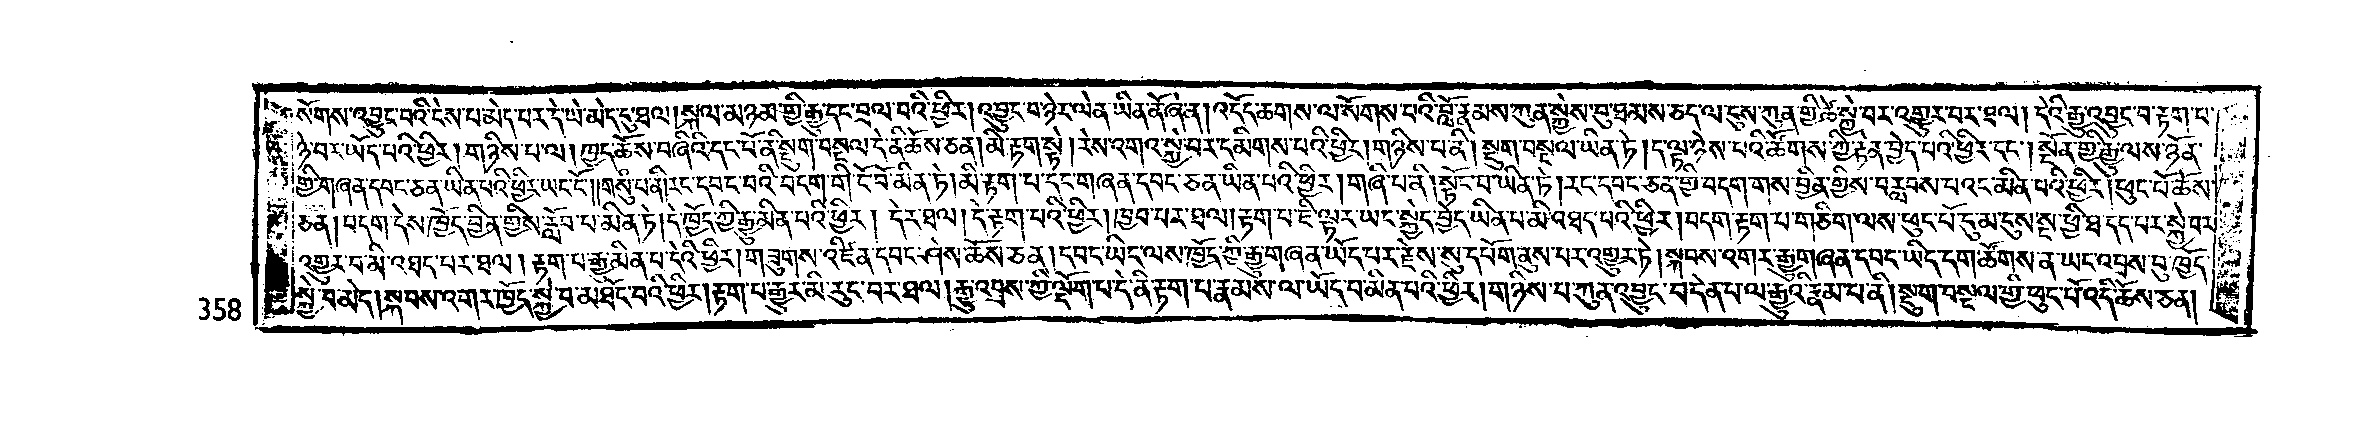སོགས་འབྱུང་བའི་ངེས་པ་མེད་པར་དེ་ཡེ་མེད་དུ་ཐལ། སྐལ་མཉམ་གྱི་རྒྱུ་དང་བྲལ་བའི་ཕྱིར། འབྱུང་བ་ཉེར་ལེན་ཡིན་ནོ་ཞེ་ན། འདོད་ཆགས་ལ་སོགས་པའི་བློ་རྣམས་ཀུན་སྐྱེས་བུ་ཐམས་ཅད་ལ་དུས་ཀུན་གྱི་ཚེ་སྐྱེ་བར་འགྱུར་བར་ཐལ། དེའི་རྒྱུ་འབྱུང་བ་རྟག་པ་
ཉེ་བར་ཡོད་པའི་ཕྱིར། གཉིས་པ་ལ། ཁྱད་ཆོས་བཞིའི་དང་པོ་ནི་སྡུག་བསྔལ་དེ་ནི་ཆོས་ཅན། མི་རྟག་སྟེ། རེས་འགའ་སྐྱེ་བར་དམིགས་པའི་ཕྱིར། གཉིས་པ་ནི། སྡུག་བསྔལ་ཡིན་ཏེ། དེ་ལྟ་ཉེས་པའི་ཚོགས་ཀྱི་རྟེན་བྱེད་པའི་ཕྱིར་དང་། སྔོན་གྱི་རྒྱུ་ལས་ཉོན་
གྱི་གཞན་དབང་ཅན་ཡིན་པའི་ཕྱིར་ཡང་ངོ། །གསུཾ་པ་ནི། རང་དབང་བའི་བདག་གི་ངོ་བོ་མིན་ཏེ། མི་རྟག་པ་དང་གཞན་དབང་ཅན་ཡིན་པའི་ཕྱིར། གཞི་པ་ནི། སྟོང་པ་ཡིན་ཏེ། རང་དབང་ཅན་ཡིན་བདག་གས་བྱིན་གྱིས་བརླབས་པའང་མིན་པའི་ཕྱིར། ཕུང་པོ་ཆོས་
ཅན། བདག་དེས་ཁྱོད་བྱིན་གྱིས་རློབ་པ་མིན་ཏེ། དེ་ཁྱོད་ཀྱི་རྒྱུ་མིན་པའི་ཕྱིར། དེར་ཐལ། དེ་རྟག་པའི་ཕྱིར། ཁྱབ་པར་ཐལ། རྟག་པ་ཇི་ལྟར་ཡང་སྐྱེད་བྱེད་ཡིན་པ་མི་འཐད་པའི་ཕྱིར། བདག་རྟག་པ་གཅིག་ལས་ཕུང་པོ་དུ་མ་དུས་སྔ་ཕྱི་ཐ་དད་པར་སྐྱེ་བར་
འགྱུར་བ་མི་འཐད་པར་ཐལ། རྟག་པ་རྒྱུ་མིན་པ་དེའི་ཕྱིར། གཟུགས་འཛིན་དབང་ཤེས་ཆོས་ཅན། དབང་ཡིད་ལས་ཁྱོད་ཀྱི་རྒྱུ་གཞན་ཡོད་པར་རྗེས་སུ་དཔོག་ནུས་པར་འགྱུར་ཏེ། སྐབས་འགར་རྒྱུ་གཞན་དབང་ཡིད་དག་ཚོགས་ན་ཡང་འབྲས་བུ་ཁྱོད་
སྐྱེ་བ་མེད། སྐབས་འགར་ཁྱོད་སྐྱེ་བ་མཐོང་བའི་ཕྱིར། རྟག་པ་རྒྱུར་མི་རུང་བར་ཐལ། རྒྱུ་འབྲས་ཀྱི་ལྡོག་པ་དེ་ནི་རྟག་པ་རྣམས་ལ་ཡོད་པ་མིན་པའི་ཕྱིར། གཉིས་པ་ཀུན་འབྱུང་བདེན་པ་ལ་རྒྱུའི་རྣམ་པ་ནི། སྡུག་བསྔལ་གྱི་ཕུང་པོ་འདི་ཆོས་ཅན།